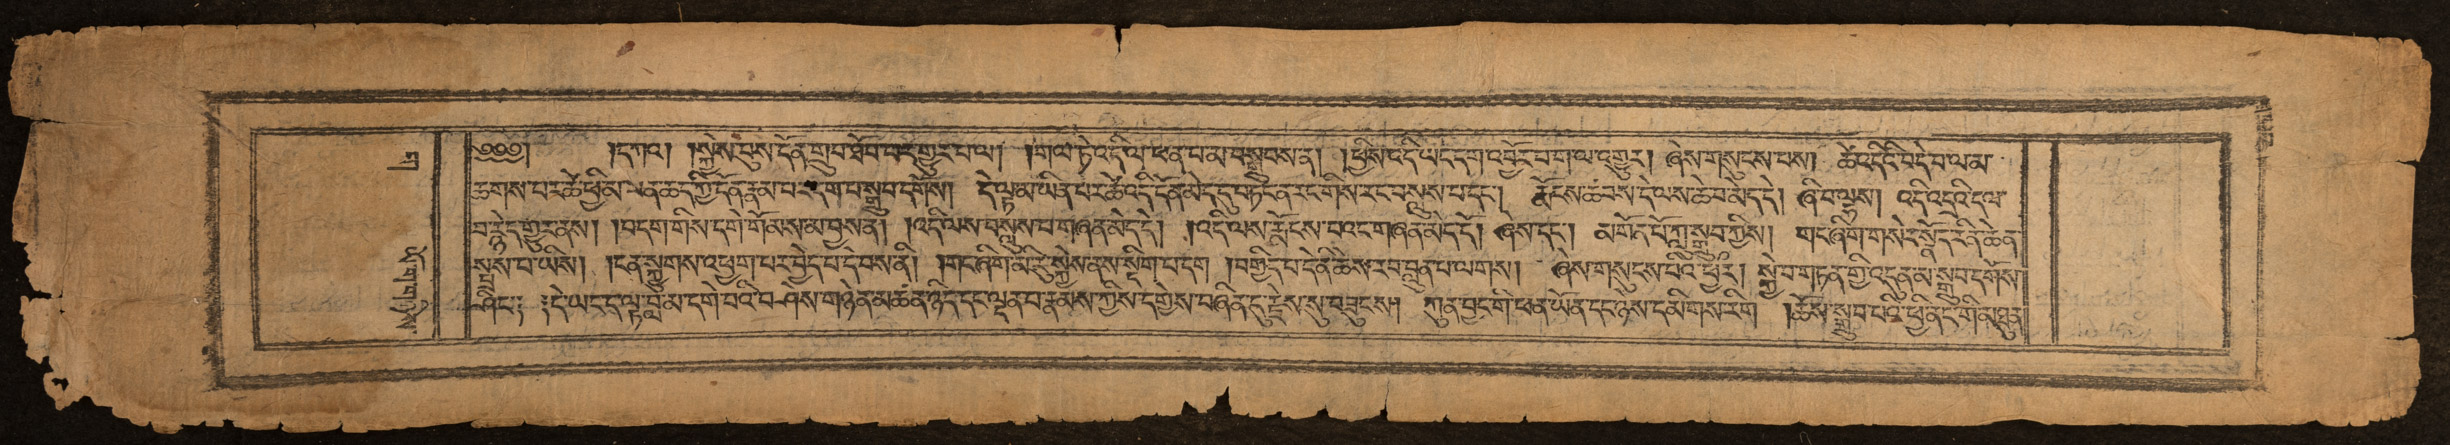༄༅༅། །དཀའ། །སྐྱེས་བུས་དོན་གྲུབ་ཐོབ་པར་གྱུར་པ་ལ། །གལ་ཏེ་འདི་ལ་ཕན་པ་མ་བསྒྲུབས་ན། །ཕྱིས་འདི་ཡང་དག་འབྱོར་པ་གལ་འགྱུར། ཞེས་གསུངས་པས། ཚེ་འདིའི་བདེ་བ་ལ་མ་
ཆགས་པར་ཚེ་ཕྱི་མ་ཕན་ཆད་ཀྱི་དོན་རྣམ་པར་དག་པ་སྒྲུབ་དགོས། དེ་ལྟ་མ་ཡིན་པར་ཚེ་འདི་དོན་མེད་དུ་བཏང་ན་རང་གི་རང་བསླུས་པ་དང་། རྨོངས་ཚབས་དེ་ལས་ཆེ་བ་མེད་དེ། ཞི་བ་ལྷས། འདི་འདྲའི་དལ་
བ་རྙེད་གྱུར་ནས། །བདག་གིས་དགེ་གོམས་མ་བྱས་ན། །འདི་ལས་བསླུས་པ་གཞན་མེད་དེ། །འདི་ལས་རྨོངས་པའང་གཞན་མེད་དོ། ཞེས་དང་། མགོན་པོ་ཀླ་སྒྲུབ་ཀྱིས། གང་ཞིག་གསེར་སྣོད་རིན་ཆེན་
སྤྲས་པ་ཡིས། །ངན་སྐྱུགས་འཕྱག་པར་བྱེད་པ་དེ་བས་ནི། །གང་ཞིག་མི་རུ་སྐྱེས་ནས་སྡིག་པ་དག །བགྱིད་པ་དེ་ནི་ཆེས་རབ་བླུན་པ་ལགས། ཞེས་གསུངས་པའི་ཕྱིར། སྐྱེ་བ་གཏན་གྱི་འདུན་མ་སྒྲུབ་དགོས་
ཤིང༑ ༑དེ་ཡང་ད་ལྟ་བླ་མ་དགེ་བའི་བཤེས་གཉེན་མཚན་ཉིད་དང་ལྡན་པ་རྣམས་ཀྱིས་དགྱེས་བཞིན་དུ་རྗེས་སུ་བཟུངས། ཀུན་བྱང་གི་ཕན་ཡོན་དང་ཉེས་དམིགས་རིག །ཆོས་སྒྲུབ་པའི་ཕྱི་ནང་གི་མཐུན་